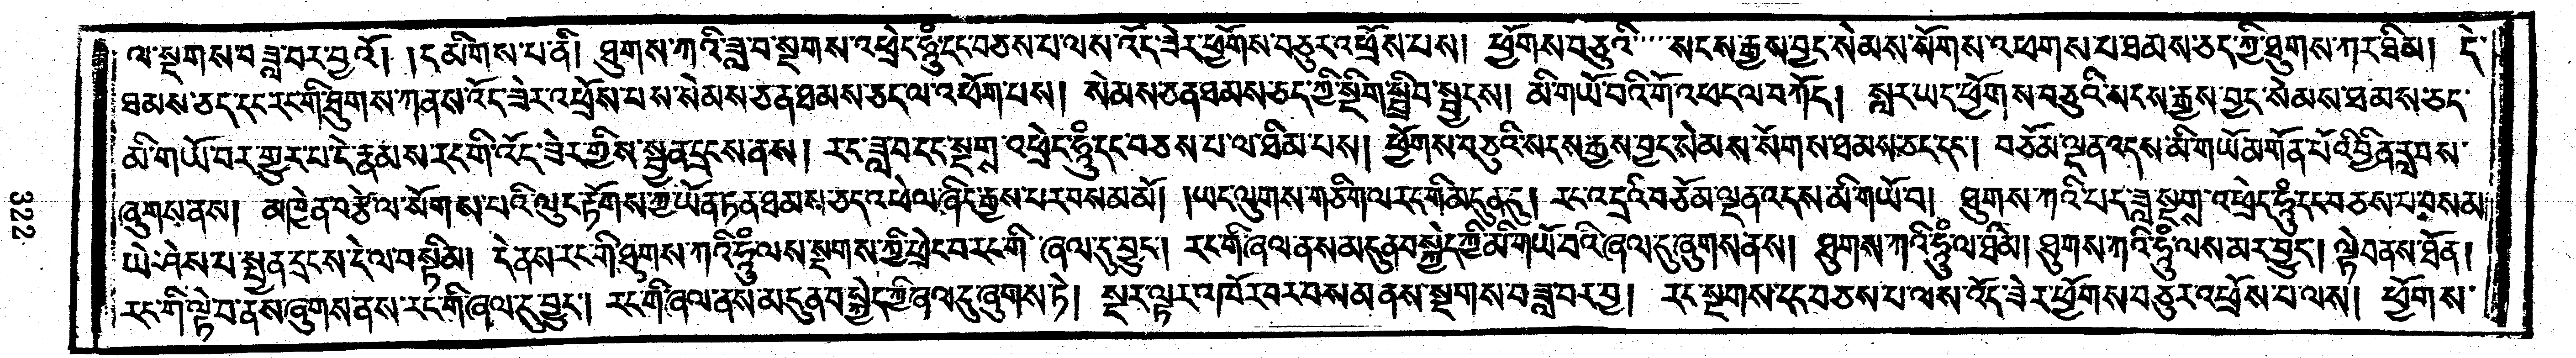ལ་སྔགས་བཟླ་བར་བྱའོ། །དམིགས་པ་ནི། ཐུགས་ཀའི་ཟླ་བ་སྔགས་འཕྲེང་ཧཱུཾ་དང་བཅས་པ་ལས་འོད་ཟེར་ཕྱོགས་བཅུར་འཕྲོས་པས། ཕྱོགས་བཅུའི་སངས་རྒྱས་བྱང་སེམས་སོགས་འཕགས་པ་ཐམས་ཅད་ཀྱི་ཐུགས་ཀར་ཐིམ། དེ་
ཐམས་ཅད་དང་རང་གི་ཐུགས་ཀ་ནས་འོད་ཟེར་འཕྲོས་པས་སེམས་ཅན་ཐམས་ཅད་ལ་འཕོག་པས། སེམས་ཅན་ཐམས་ཅད་ཀྱི་སྡིག་སྦྲིབ་སྦྱངས། མི་གཡོ་བའི་གོ་འཕང་ལ་བཀོད། སླར་ཡང་ཕྱོགས་བཅུའི་སངས་རྒྱས་བྱང་སེམས་ཐམས་ཅད་
མི་གཡོ་བར་གྱུར་པ་དེ་རྣམས་རང་གི་འོད་ཟེར་གྱིས་སྦྱན་དྲངས་ནས། རང་ཟླ་བ་དང་སྔགས་འཕྲེང་ཧཱུཾ་དང་བཅས་པ་ལ་ཐིམ་པས། ཕྱོགས་བཅུའི་སངས་རྒྱས་བྱང་སེམས་སོགས་ཐམས་ཅད་དང་། བཅོམ་ལྡན་འདས་མི་གཡོ་མགོན་པོའི་བྱིན་རླབས་
ཞུགས་ནས། མཁྱེན་བརྩེ་ལ་སོགས་པའི་ལུང་རྟོགས་ཀྱ་ཡོན་ཏན་ཐམས་ཅད་འཕེལ་ཞིང་རྒྱས་པར་བསམ་མོ། །ཡང་ལུགས་གཅིག་ལ་རང་གི་མདུན་དུ། རང་འདྲའི་བཅོམ་ལྡན་འདས་མི་གཡོ་བ། ཐུགས་ཀའི་པར་ཟླ་སྔགས་འཕྲེང་ཧཱུཾ་དང་བཅས་པ་བསམ་
ཡེ་ཤེས་པ་སྤྱན་དྲངས་དེ་ལ་བསྟིམ། དེ་ནས་རང་གི་ཐུགས་ཀའི་ཧཱུཾ་ལས་སྔགས་ཀྱི་ཕྲེང་བ་རང་གི་ཞལ་དུ་བྱུང་། རང་གི་ཞལ་ནས་མདུན་བསྐྱེད་ཀྱི་མི་གཡོ་བའི་ཞལ་དུ་ཞུགས་ནས། ཐུགས་ཀའི་ཧཱུཾ་ལ་ཐིམ། ཐུགས་ཀའི་ཧཱུཾ་ལས་མར་བྱུང་། ལྟེབ་ནས་ཐོན།
རང་གི་ལྟེ་བ་ནས་ཞུགས་ནས་རང་གི་ཞལ་དུ་བྱུང་། རང་གི་ཞལ་ནས་མདུན་བསྐྱེད་ཀྱི་ཞལ་དུ་ཞུགས་ཏེ། སྔར་ལྟར་འཁོར་བར་བསམ་ནས་སྔགས་བཟླ་བར་བྱ། རང་སྔགས་དང་བཅས་པ་ལས་འོད་ཟེར་ཕྱོགས་བཅུར་འཕྲོས་པ་ལས། ཕྱོགས་